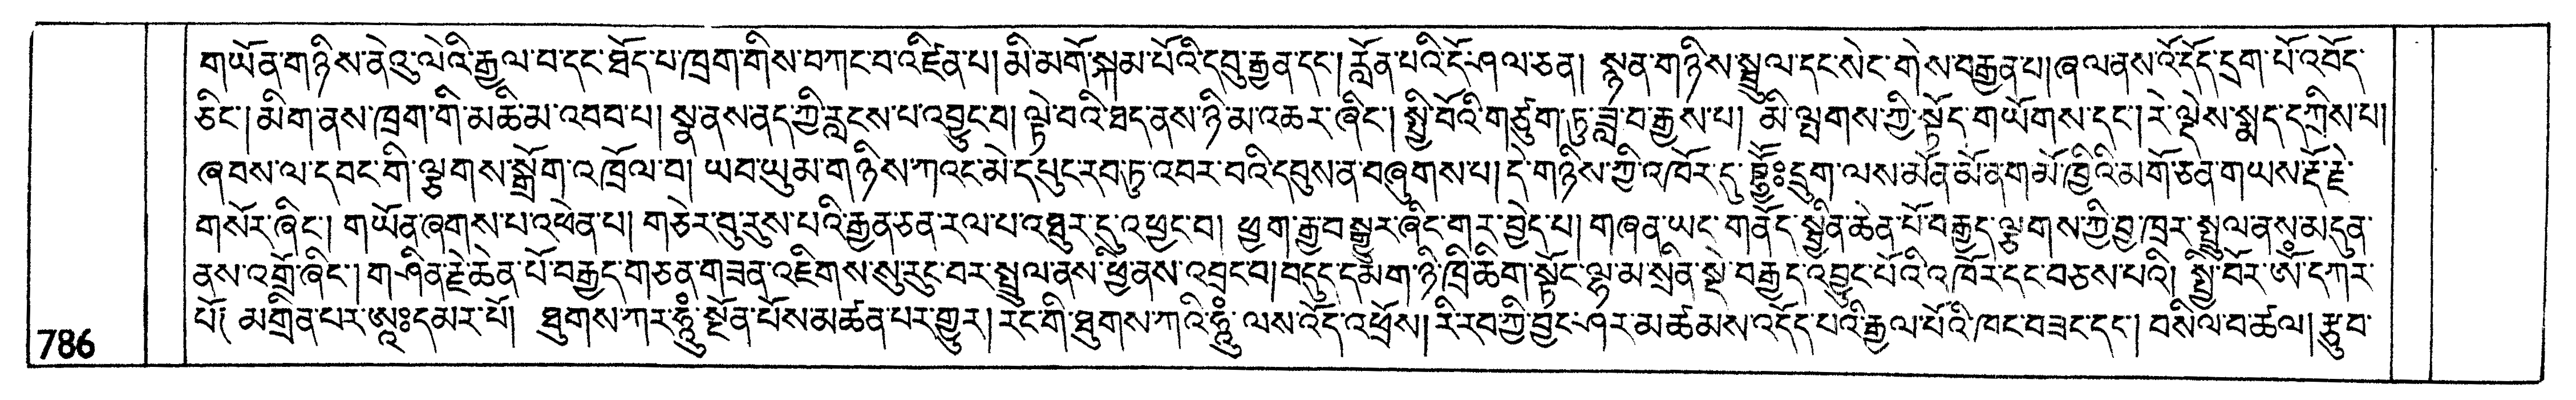གཡོན་གཉིས་ནེའུ་ལེའི་རྒྱལ་བ་དང་ཐོད་པ་ཁྲག་གིས་བཀང་བ་འཛིན་པ། མི་མགོ་སྐམ་པོའི་དབུ་རྒྱན་དང་། རློན་པའི་དོ་ཤལ་ཅན། སྙན་གཉིས་སྦྲུལ་དང་སེང་གེས་བརྒྱན་པ། ཞལ་ནས་འོ་དོད་དྲག་པོ་འབོད་
ཅིང་།མིག་ནས་ཁྲག་གི་མཆི་མ་འབབ་པ། སྣ་ནས་ནད་ཀྱི་རླུངས་པ་འབྱུང་བ། ལྟེ་བའི་ཐད་ནས་ཉི་མ་འཆར་ཞིང་། སྤྱི་བོའི་གཙུག་ཏུ་ཟླ་བ་རྒྱས་པ། མི་ལྤགས་ཀྱི་སྟོད་གཡོགས་དང་། རེ་ལྡེས་སྨད་དཀྲིས་པ།
ཞབས་ལ་དབང་གི་ལྕགས་སྒྲོག་འཁྲོལ་བ། ཡབ་ཡུམ་གཉིས་ཀའང་མེ་དཔུང་རབ་ཏུ་འབར་བའི་དབུས་ན་བཞུགས་པ། དེ་གཉིས་ཀྱི་འཁོར་དུ་བྷྱཽཿ དྲུག་ལས་མོན་མོ་ནག་མོ་ཁྱིའི་མགོ་ཅན་གཡས་རྡོ་རྗེ་
གསོར་ཞིང་། གཡོན་ཞགས་པ་འཕེན་པ། གཅེར་བུ་རུས་པའི་རྒྱན་ཅན་རལ་པ་འཐུར་དུ་འཕྱང་བ། ཕྱག་རྒྱ་བསྒྱུར་ཞིང་གར་བྱེད་པ། གཞན་ཡང་གནོད་སྦྱིན་ཆེན་པོ་བརྒྱད་ལྕགས་ཀྱི་བྱ་ཁྲར་སྤྲུལ་ནས་མདུན་
ནས་འགྲོ་ཞིང་། གཤིན་རྗེ་ཆེན་པོ་བརྒྱད་གཅན་གཟན་འཇིགས་སུ་རུང་བར་སྤྲུལ་ནས་ཕྱི་ནས་འབྲང་བ། བདུད་དམག་ཉི་ཁྲི་ཆིག་སྟོང་ལྷ་མ་སྲིན་སྡེ་བརྒྱད་འབྱུང་པོའི་འཁོར་དང་བཅས་པའི། སྤྱི་བོར་ཨོཾ་དཀར་
པོ༑ མགྲིན་པར་ཨཱཿ དམར་པོ། ཐུགས་ཀར་ཧཱུཾ་སྔོན་པོས་མཚན་པར་གྱུར། རང་གི་ཐུགས་ཀའི་ཧཱུཾ་ལས་འོད་འཕྲོས། རི་རབ་ཀྱི་བྱང་ཤར་མཚམས་འདོད་པའི་རྒྱལ་པོའི་ཁང་བཟང་དང་། བསིལ་བ་ཚལ། རྩུབ་